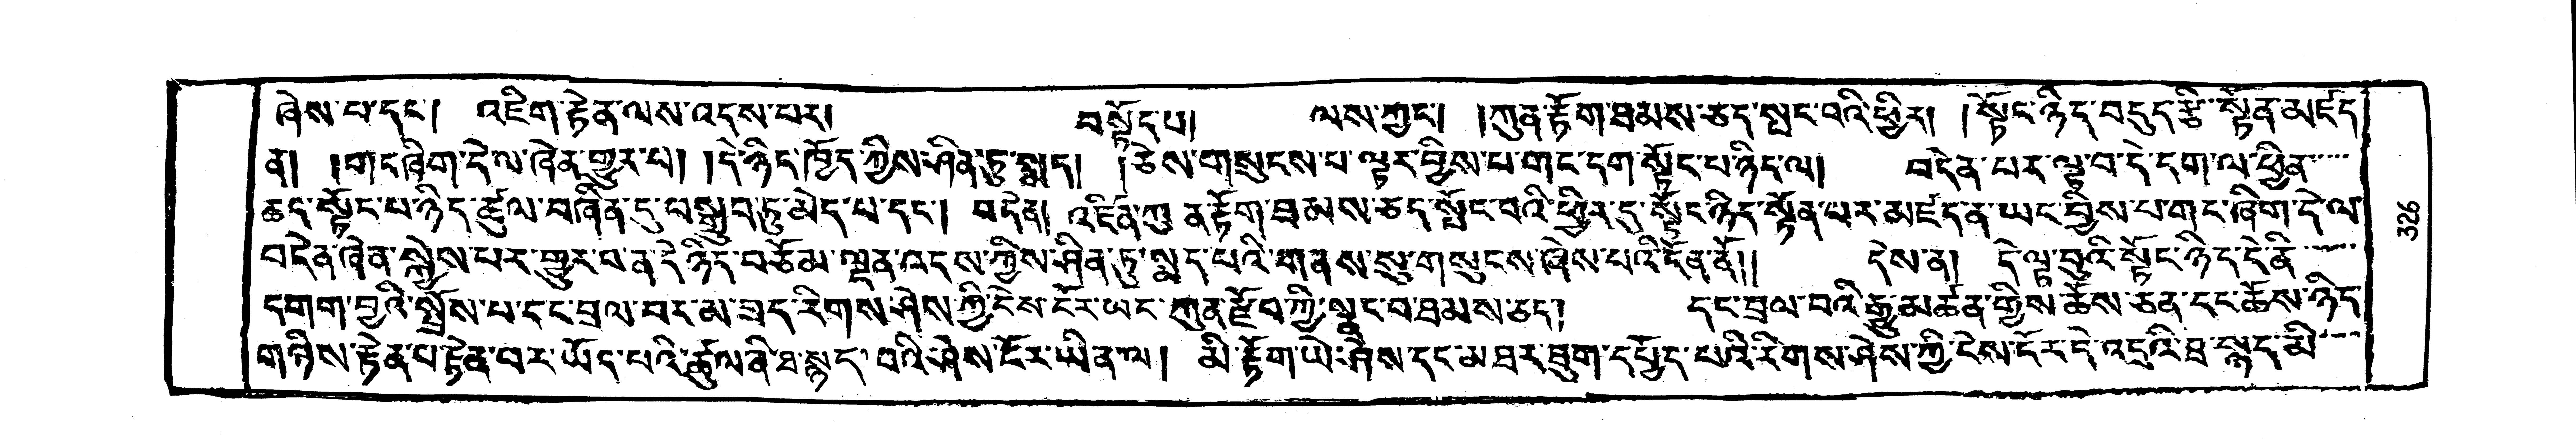ཞེས་པ་དང་། འཇིག་རྟེན་ལས་འདས་པར། བསྟོད་པ། ལས་ཀྱང་། །ཀུན་རྟོག་ཐམས་ཅད་སྤང་བའི་ཕྱིར། །སྟོང་ཉིད་བདུད་རྩི་སྟོན་མཛད་
ན། །གང་ཞིག་དེ་ལ་ཞེན་གྱུར་པ། །དེ་ཉིད་ཁྱོད་ཀྱིས་ཤིན་ཏུ་སྨད། །ཅེས་གསུངས་པ་ལྟར་བྱིས་པ་གང་དག་སྟོང་པ་ཉིད་ལ། བདེན་པར་ལྟ་བ་དེ་དག་ལ་ཕྱིན་
ཆད་སྟོང་པ་ཉིད་ཚུལ་བཞིན་དུ་བསྒྲུབ་ཏུ་མེད་པ་དང་། བདེན། འཛིན་ཀུན་རྟོག་ཐམས་ཅད་སྤོང་བའི་ཕྱིར་དུ་སྟོང་ཉིད་སྟོན་པར་མཛད་ན་ཡང་བྱིས་པ་གང་ཞིག་དེ་ལ་
བདེན་ཞེན་སྐྱེས་པར་གྱུར་པ་ན་དེ་ཉིད་བཅོམ་ལྡན་འདས་ཀྱིས་ཤིན་ཏུ་སྨད་པའི་གནས་སུ་གསུངས་ཞེས་པའི་དོན་ནོ། །དེས་ན། དེ་ལྟ་བུའི་སྟོང་ཉིད་དེ་ནི་
དགག་བྱའི་སྤྲོས་པ་དང་བྲལ་བར་མ་ཟད་རིགས་ཤེས་ཀྱི་ངེས་ངོར་ཡང་ཀུན་རྫོབ་ཀྱི་སྣང་བ་ཐམས་ཅད། དང་བྲལ་བའི་རྒྱུ་མཚན་གྱིས་ཆོས་ཅན་དང་ཆོས་ཉིད་
གཉིས་རྟེན་པ་རྟེན་བར་ཡོད་པའི་ཚུལ་ནི་ཐ་སྙད་པའི་ཤེས་ངོར་ཡིན་ལ། མི་རྟོག་ཡེ་ཤེས་དང་མཐར་ཐུག་དཔྱོད་པའི་རིགས་ཤེས་ཀྱི་ངེས་ངོར་དེ་འདྲའི་ཐ་སྙད་མི་